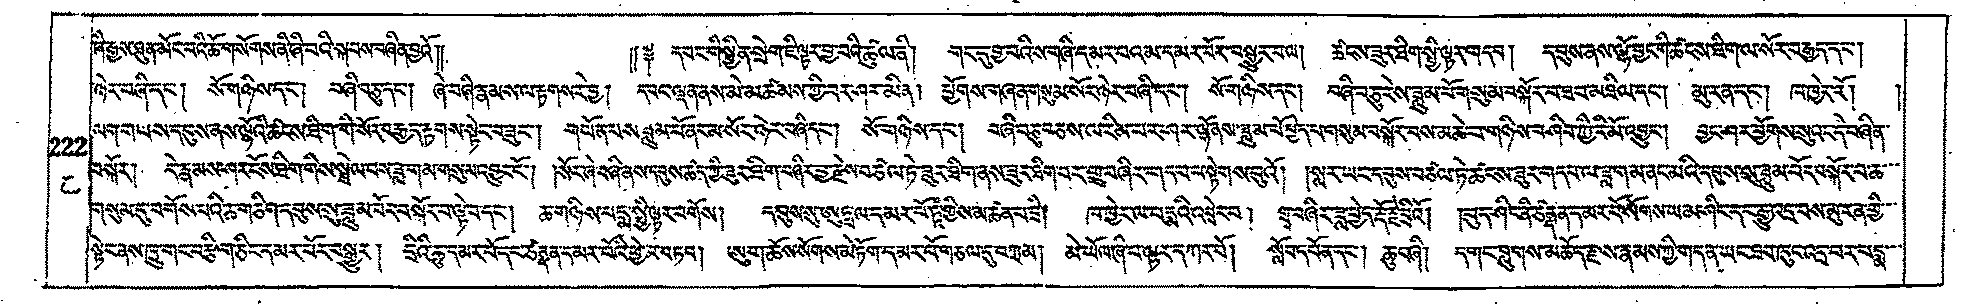ཞི་རྒྱས་ཐུན་མོང་བའི་ཆོ་ག་སོགས་ནི་ཞི་བའི་སྐབས་བཞིན་བྱའོ།། །།འ་དབང་གི་སྦྱིན་སྲེག་ཇི་ལྟར་བྱ་བའི་ཚུལ་ནི། གང་དུ་བྱ་བའི་ས་གཞི་དམར་བའམ་དམར་པོར་བསྒྱུར་བ་ལ། ཚངས་ཟུར་ཐིག་སྤྱི་ལྟར་གདབ། དབུས་ནས་ལྷོ་བྱང་གི་ཚངས་ཐིག་ལ་སོར་བརྒྱད་དང་།
ཉེར་བཞི་དང་། སོ་གཉིས་དང་། བཞི་བཅུ་དང་། ཞེ་བཞི་རྣམས་ལ་རྟགས་རེ་བྱ། དབང་ལྡན་ནས་མེ་མཚམས་ཀྱི་བར་ཤར་མིན། ཕྱོགས་གཞན་གསུམ་སོར་ཉེར་བཞི་དང་། སོ་གཉིས་དང་། བཞི་བཅུ་རེས་ཟླུམ་པོ་གསུམ་བསྐོར་བ་ཐབ་མཐིལ་དང་། མུ་རན་དང་། ཁ་ཁྱེར་རོ། །
ལག་གཡས་དབུས་ནས་ལྷོའི་ཚངས་ཐིག་གི་སོར་བརྒྱད་རྟགས་སྟེང་བཟུང་། གཡོན་པས་ཟླུམ་པོ་ནང་མ་སོར་ཉེར་བཞི་དང་། སོ་གཉིས་དང་། བཞི་བཅུ་བཅས་ལ་རིམ་པར་ཤར་ལྷོ་ནས་ཟླུམ་པོ་ཕྱེད་པ་གསུམ་བསྐོར་བས་མཆེ་བ་གཉིས་བཤིབ་ཀྱི་རི་མོ་འབྱུང་། བྱང་ཤར་ཕྱོགས་སུའང་དེ་བཞིན་་་
བསྐོར། དེ་རྣམས་ཤར་ངོས་ཐིག་གིས་སྦྲེལ་བས་ཟླ་གམ་གསུམ་འབྱུང་ངོ། །སོར་ཞེ་བཞི་ནས་དབུས་ཚད་ཀྱི་ཟུར་ཐིག་བཞིར་བྱ་རྗེས་བཙལ་ཏེ་ཟུར་ཐིག་ནས་ཟུར་ཐིག་བར་གྲུ་བཞིར་གདབ་པ་སྟེགས་བུའོ། །སླར་ཡང་དབུས་བཙལ་ཏེ་ཚངས་ཟུར་གདབ་ལ་ཟླ་གམ་ནང་མའི་དབུས་སུ་ཟླུམ་པོར་བསྐོར་བ་ཆ་་་
གསུམ་དུ་བགོས་པའི་ཆ་གཅིག་དབུས་སུ་ཟླུམ་པོར་བསྐོར་བ་ལྟེ་བ་དང་། ཆ་གཉིས་པདམ་སྤྱི་ལྟར་བགོས། དབུས་སུ་ཨུཏྤ་ལ་དམར་པོ་ཏཱཾ་གྱིས་མཚན་པ་བྲི། ཁ་ཁྱེར་ལ་པདམའི་འཕྲེང་བ། གྲྭ་བཞིར་ཟླ་ཕྱེད་རྡོ་རྗེ་བྲིའོ། །བུད་ཤིང་ནི་ཙནྡན་དམར་པོ་སོགས་ཡམ་ཤིང་དང་རྒྱུ་འདྲ་བས་མུ་རན་གྱི་་་
སྟེང་ནས་ཁྲུ་གང་བརྩིག་ཅིང་དམར་པོར་བསྒྱུར། དྲིའི་ཆུ་དམར་པོ་དང་ཙནྡན་དམར་པོའི་ཕྱེ་མ་བཏབ། ཨུག་ཆོས་སོགས་མེ་ཏོག་དམར་པོ་གཅལ་དུ་བཀྲམ། མེ་ཡོལ་ཞི་བ་ལྟར་དཀར་པོ། སློབ་དཔོན་དང་། ཆུ་བཞི། དགང་བླུགས་མཆོད་རྫས་རྣམས་ཀྱི་གདན་ཡང་ཐབ་ཁུང་འདྲ་བར་པདམ་་་